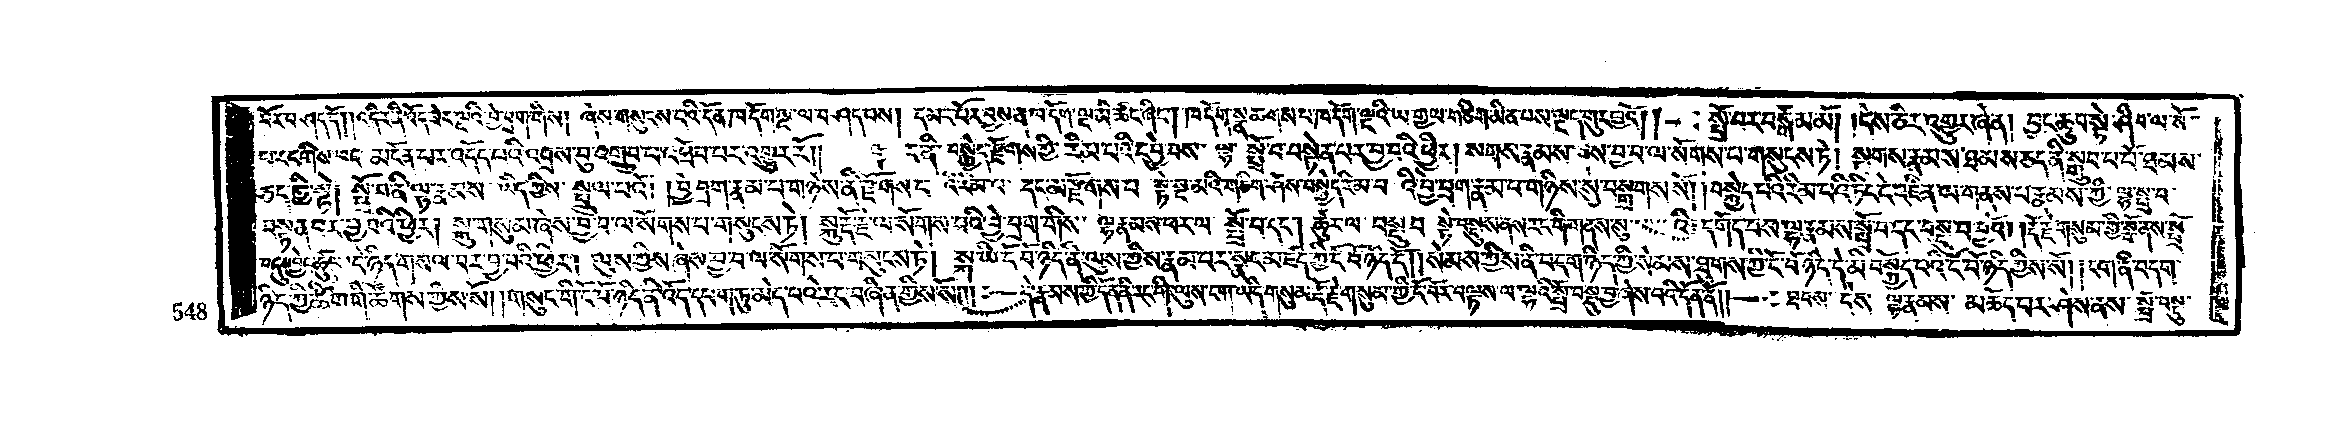པར་བཤད་དོ། །འདིར་ནི་འོད་ཟེར་ལྔའི་བྱེ་བྲག་གིས། ཞེས་གསུངས་པའི་དོན་ཁ་དོག་ལྔ་ལ་བཤད་པས། དམར་པོར་བྱས་ན་ཁ་དོག་ལྔ་མི་ཚང་ཞིང་། ཁ་དོག་སྣ་ཚོགས་པ་ཁ་དོག་ལྔའི་ཡ་གྱལ་གཅིག་མིན་པས་ལྗང་གུར་བྱའོ། ། .Hསྤྲོ་བར་བསྒོམ་མོ། །དེ་ཅིར་འགྱུར་ཞེ་ན། བྱང་ཆུབ་སྟེ་ཞི་བ་ལ་སོགས་
པ་རང་གིས་གང་མངོན་པར་འདོད་པའི་འབྲས་བུ་འགྲུབ་པ་འཐོབ་པར་འགྱུར་རོ།། ༈ དེ་ནི་བསྐྱེད་རྫོགས་ཀྱི་རིམ་པའི་དབྱེ་བས་ལྷ་སྤྲོ་བ་བསྟེན་པར་བྱ་བའི་ཕྱིར། སོགས་རྣམས་ཞེས་བྱ་བ་ལ་སོགས་པ་གསུངས་ཏེ། སྔགས་རྣམས་ཐམས་ཅད་ནི་སྒྲུབ་པ་པོ་ཐམས་
ཅད་ཀྱི་སྟེ། སྤྲོ་བ་ནི་ལྷ་རྣམས་ཡིད་ཀྱིས་སྤྲུལ་པའོ། །བྱེ་བྲག་རྣམ་པ་གཉིས་ནི་རྫོགས་པའི་རིམ་པ་དང་མ་རྫོགས་པ་སྟེ་སྔ་མའི་གཅིག་ཤོས་བསྐྱེད་རིམ་པའི་བྱེ་བྲག་རྣམ་པ་གཉིས་སུ་བསྒྲགས་སོ། །བསྐྱེད་པའི་རིམ་པའི་ཏིང་ངེ་འཛིན་ལ་གནས་པ་རྣམས་ཀྱི་ལྷ་སྤྲོ་བ་
བསྟན་པར་བྱ་བའི་ཕྱིར། སྐུ་གསུམ་ཞེས་བྱ་བ་ལ་སོགས་པ་གསུངས་ཏེ། སྐུ་རྡོ་རྗེ་ལ་སོགས་པའི་བྱེ་བྲག་གིས་ལྷ་རྣམས་ཕར་ལ་སྤྲོ་བ་དང་། ཚུར་ལ་བསྡུ་བ་སྟེ་བསྡུས་ནས་རང་གི་གནས་སུའི་དགོད་པས་ལྷ་རྣམས་སྤྲོ་བ་དང་བསྡུ་བ་བྱའོ། །རྡོ་རྗེ་གསུམ་གྱི་སྒོ་ནས་སྤྲོ་
བསྡུ་བྱེད་ཚུལ་དེ་ཉིད་གསལ་བར་བྱ་བའི་ཕྱིར། ལུས་ཀྱིས་ཞེས་བྱ་བ་ལ་སོགས་པ་གསུངས་ཏེ། སྐུ་ཡི་ངོ་བོ་ཉིད་ནི་ལུས་ཀྱིས་རྣམ་པར་སྣང་མཛད་ཀྱི་ངོ་བོ་ཉིད་དོ། །སེམས་ཀྱིས་ནི་བདག་ཉིད་ཀྱི་སེམས་ཐུགས་ཀྱི་ངོ་བོ་ཉིད་དེ་མི་བསྐྱོད་པའི་ངོ་བོ་ཉིད་ཀྱིས་སོ། །ངག་ནི་བདག་
ཉིད་ཀྱི་ཚིག་གི་ཚོགས་ཀྱིས་སོ། །གསུང་གི་ངོ་བོ་ཉིད་ནི་འོད་དཔག་ཏུ་མེད་པའི་རང་བཞིན་གྱིས་སོ།།H.་དེ་རྣམས་ཀྱི་དོན་ནི་རང་གི་ལུས་ངག་ཡིད་གསུམ་རྡོ་རྗེ་གསུམ་གྱི་ངོ་བོར་བལྟས་ལ་ལྷའི་སྤྲོ་བསྡུ་བྱ་ཞེས་པའི་དོན་ནོ།། .Hཐབས་དེས་ལྷ་རྣམས་མཆོད་པར་ཤེས་ནས་སྤྲོ་བསྡུ་